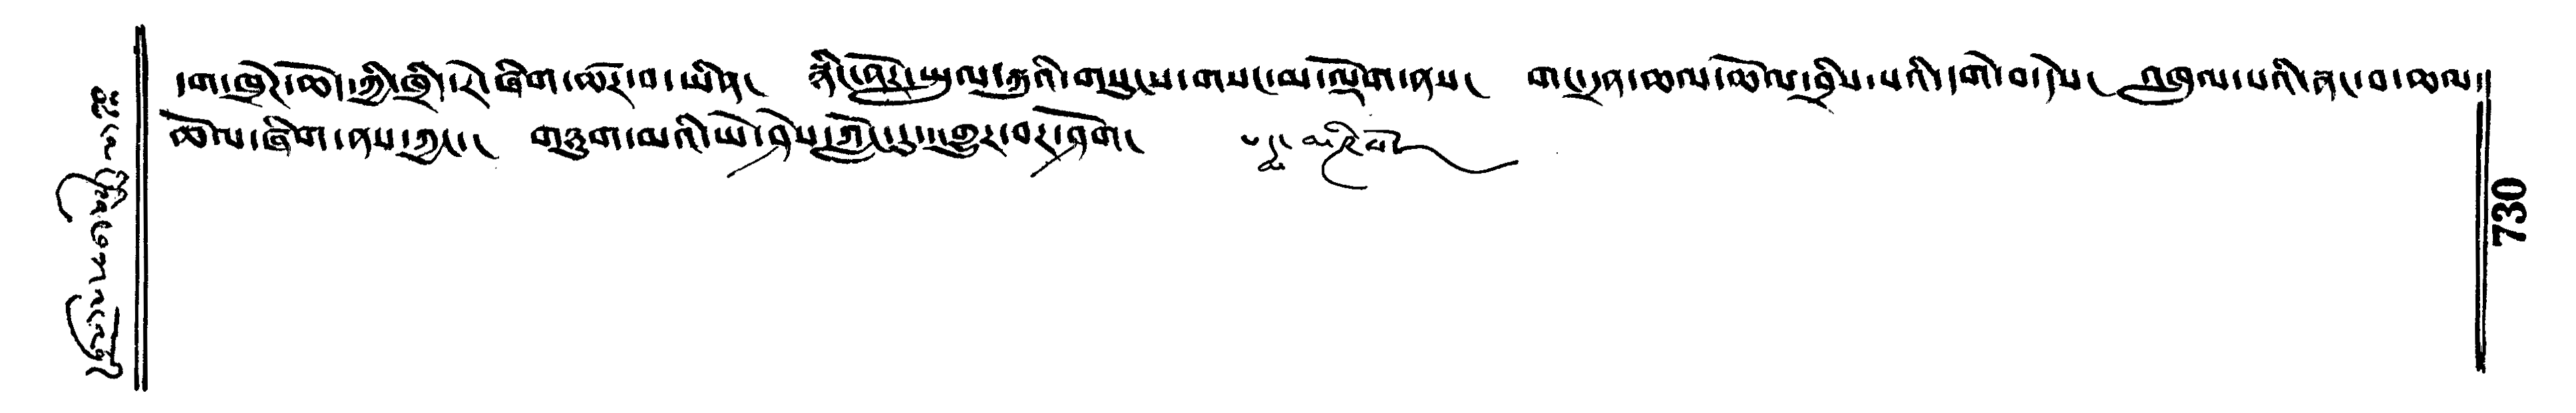དག་ཁྲེགས་ཆོས་ཀྱི་ཁྲིད་རེ་ཞིག་ཚར་བ་ཡིན། སྙིང་ནོར་སྤྲུལ་སྐུའི་གསུང་གསང་མ་ལྡོག་ནས། །གང་དྲན་ཆལ་ཆོལ་བྲིས་པའི་དགེ་བ་དེས། །འཁྲུལ་པའི་སྣང་བ་ཆལ་
ཆོལ་ཞིག་ནས་ཀྱང་། །གཉུག་མའི་ཡེ་ཤེས་ཀློང་དུ་འགྱུར་བར་ཤོག པདྨ་མ་ཎིས་སོ།།